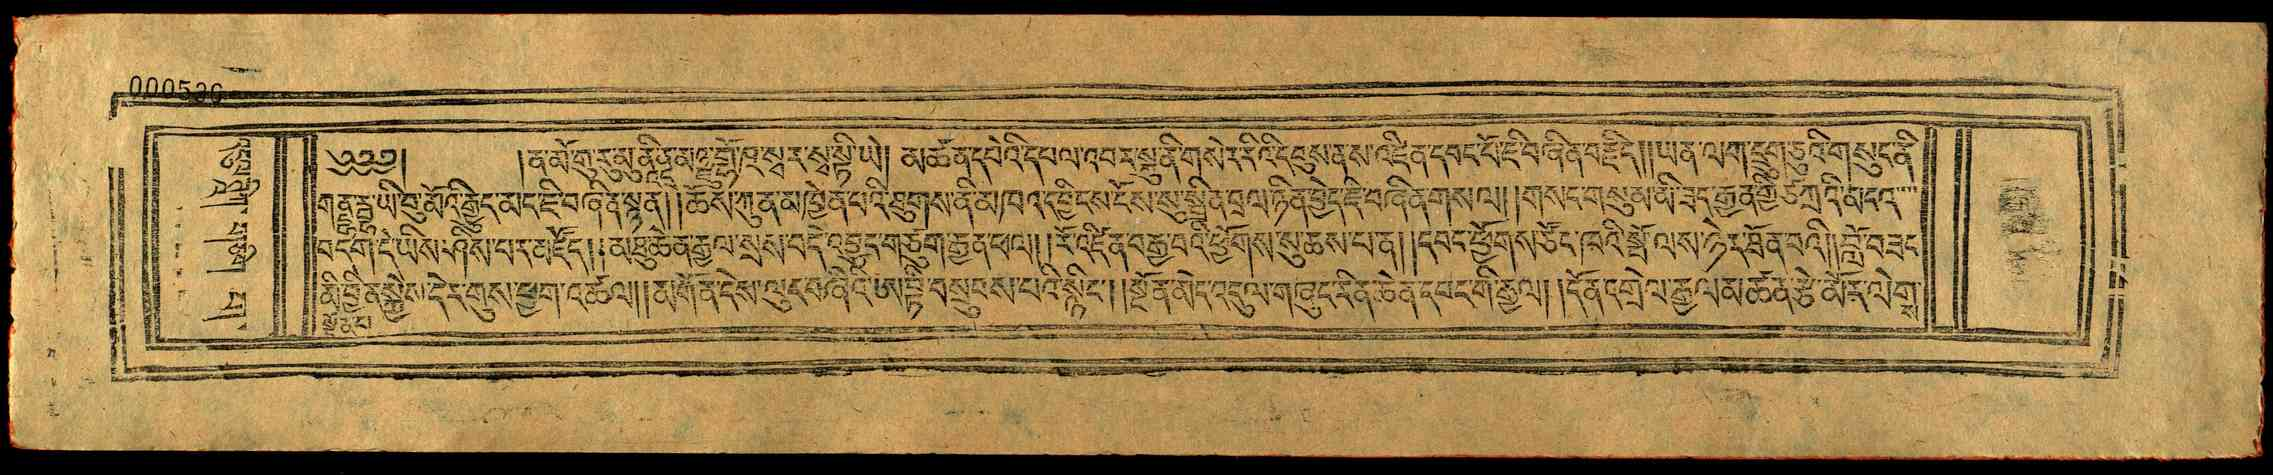༄༅༅། །ན་མོ་གུ་རུ་མུ་ནཱི་ནྡྲ་མཉྫུ་གྷོ་ཥ་ས་ར་སྭ་ཏི་ཡེ། མཚན་དཔེའི་དཔལ་འབར་སྐུ་ནི་གསེར་རིའི་དབུས་ན་ས་འཛིན་དབང་པོ་ཇི་བཞིན་བརྗིད། །ཡན་ལག་དྲུག་ཅུའི་གསུང་ནི་
གནྡྷ་རྦྷ་ཡི་བུ་མོའི་རྒྱུད་མང་ཇི་བཞིན་སྙན། །ཆོས་ཀུན་མཁྱེན་པའི་ཐུགས་ནི་མཁར་དབྱིངས་ངོས་སུ་སྤྲིན་བྲལ་ཉིན་བྱེད་ཇི་བཞིན་གསལ། །གསང་གསུམ་མི་ཟད་རྒྱན་གྱི་ཙ་ཀྲའི་མངའ་
བདག་དེ་ཡིས་ཤིས་པར་མཛོད། །མཐུ་ཆེན་རྒྱལ་སྲས་བོད་འབྱུང་གཙུག་རྒྱན་ཕལ། །རོ་འཛིན་བརྒྱ་པའི་ཕྱོགས་སུ་ཆས་པ་ན། །དབང་ཕྱོགས་ཙོང་ཁའི་སྤོ་ལས་ཉེར་ཐོན་པའི། །བློ་བཟང་
མི་བྱིན་སྐྱེས་དེར་གུས་ཕྱག་འཚལ། །མགོན་དེས་ལུང་བཞིའི་ཨཔྟི་བསྲུབས་པའི་སྙིང་། །སྔོན་མེད་འདུལ་གཞུང་རིན་ཆེན་དབང་གི་རྒྱལ། །དོན་འགྲེལ་རྒྱལ་མཚན་རྩེ་མོར་ལེགས་